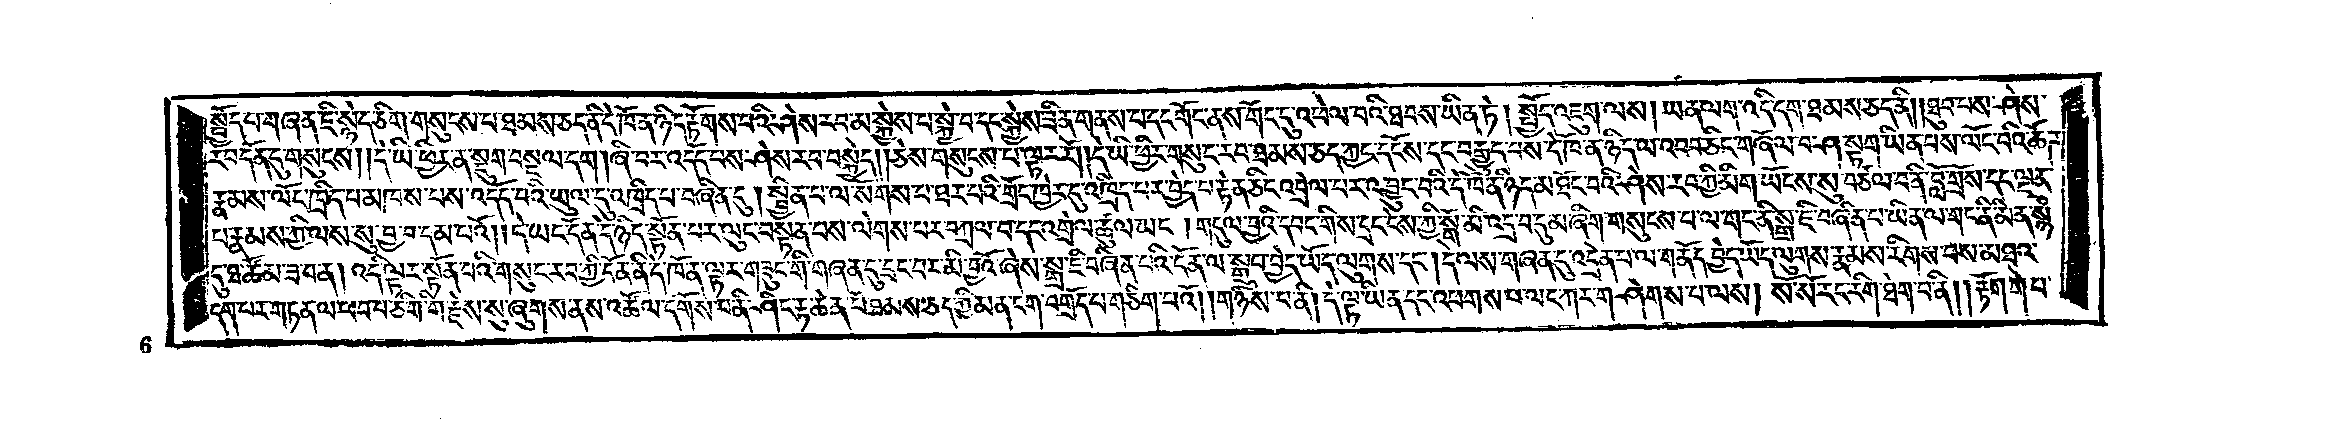སྤྱོད་པ་གཞན་ཇི་སྙེད་ཅིག་གསུངས་པ་ཐམས་ཅད་ནི་དེ་ཁོ་ན་ཉིད་རྟོགས་པའི་ཤེས་རབ་མ་སྐྱེས་པ་སྐྱེ་བ་དང་སྐྱེས་ཟིན་གནས་པ་དང་གོང་ནས་གོང་དུ་འཕེལ་བའི་ཐབས་ཡིན་ཏེ། སྤྱོད་འཇུག་ལས། ཡན་ལག་འདི་དག་ཐམས་ཅད་ནི། །ཐུབ་པས་ཤས་
རབ་དོན་དུ་གསུངས། །དེ་ཡི་ཕྱིར་ན་སྡུག་བསྔལ་དག། །ཞི་བར་འདོད་པས་ཤེས་རབ་བསྐྱེད། །ཅེས་གསུང་པ་ལྟར་རོ། །དེ་ཡི་ཕྱིར་གསུང་རབ་ཐམས་ཅད་ཀྱང་དངོས་དང་བརྒྱུད་པས་དེ་ཁོ་ན་ཉིད་ལ་འབབ་ཅིང་གཞོལ་བ་ཤ་སྟག་ཡིན་པས་ལོང་བའི་ཚོཌ་
རྣམས་ལོང་ཁྲིད་པ་མཁས་པས་འདོད་པའི་ཡུལ་དུ་འཁྲིད་པ་བཞིན་དུ། སྦྱིན་པ་ལ་སོགས་པ་ཐར་པའི་གྲོང་ཁྱེར་དུ་འཁྲིད་པར་བྱེད་པ་རྟེན་ཅིང་འབྲེལ་བར་འབྱུང་བའི་དེ་ཁོ་ན་ཉིད་མཐོང་བའི་ཤེས་རབ་ཀྱི་མིག་ཡོངས་སུ་བཙལ་བ་ནི་བློ་གྲོས་དང་ལྡན་
པ་རྣམས་ཀྱི་ལས་སུ་བྱ་བ་དམ་པའོ། །དེ་ཡང་དོན་དེ་ཉིད་སྟོན་པར་ལུང་བསྟན་པས་ལེགས་པར་བཀྲལ་བ་དང་འགྲེལ་ཚུལ་ཡང་། གདུལ་བྱའི་དབང་གིས་དྲང་ངེས་ཀྱི་སྒོ་མི་འདྲ་བ་དུ་མ་ཞིག་གསུང་པ་ལ་གང་ནི་སྒྲ་ཇི་བཞིན་པ་ཡིན་ལ་གང་ནི་མིན་སྙཾ་
དུ་ཐེ་ཚོམ་ཟ་བ་ན། འདི་ལྟར་སྟོན་པའི་གསུང་རབ་ཀྱི་དོན་ནི་དེ་ཁོ་ན་ལྟར་གཟུང་གི་གཞན་དུ་དྲང་བར་མི་བྱའོ་ཞེས་སྒྲ་ཇི་བཞིན་པའི་དོན་ལ་སྒྲུབ་བྱེད་ཡོད་ལུགས་དང་། དེ་ལས་གཞན་དུ་འདྲེན་པ་ལ་གནོད་བྱེད་ཡོད་ལུགས་རྣམས་རིགས་པས་མཐའ་
དག་པར་གཏན་ལ་ཕབ་པ་ཅིག་གི་རྗེས་སུ་གཞུགས་ནས་འཚོལ་དགོས་པ་ནི་ཤིང་རྟ་ཆེན་པོ་ཐམས་ཅད་ཀྱི་མན་ངག་བགྲོད་པ་གཅིག་པའོ། །གཉིས་པ་ནི། དེ་ལྟ་ཡིན་དང་འཕགས་པ་ལང་ཀར་གཤེགས་པ་ལས། །སོ་སོར་རིག་ཐེག་པ་ནི། རྟོག་གི་པ་